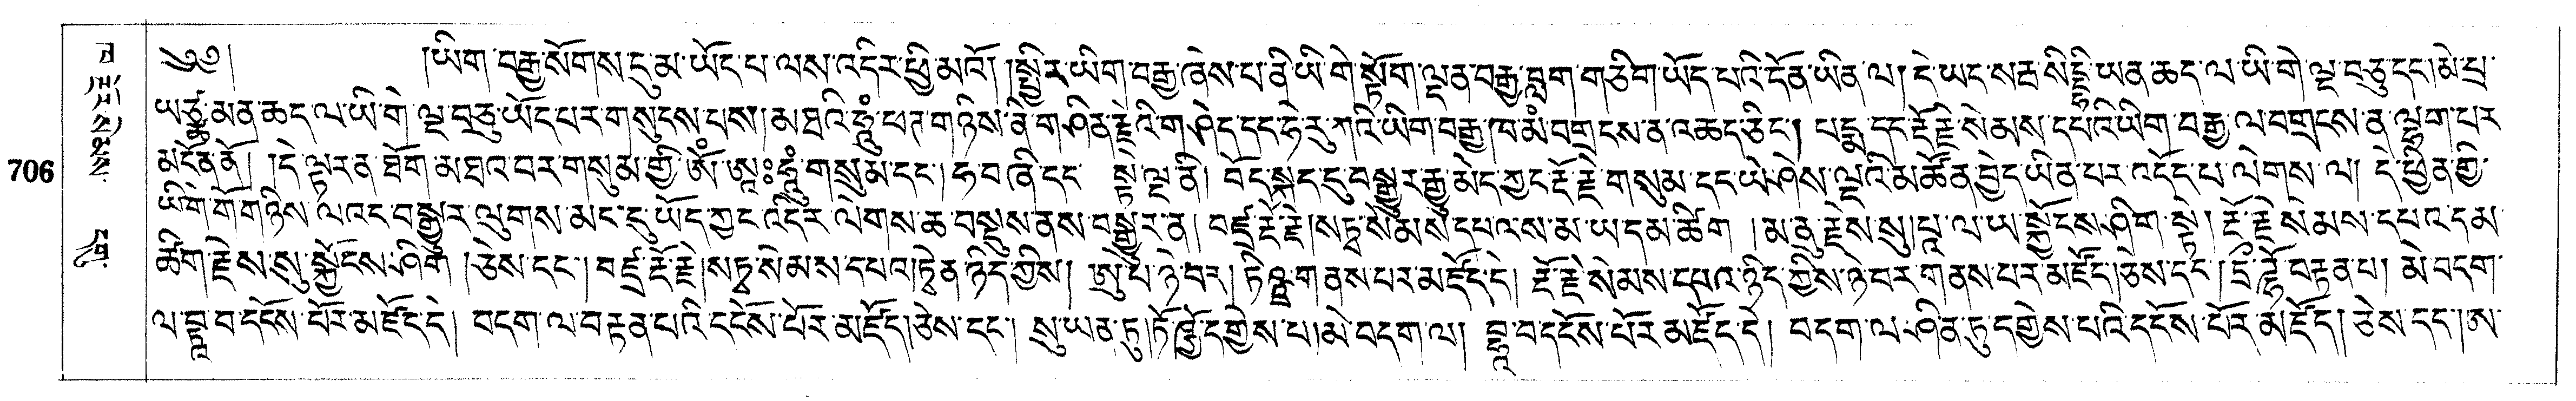༄༅། །ཡིག་བརྒྱ་སོགས་དུ་མ་ཡོད་པ་ལས་འདིར་ཕྱི་མའོ། །སྤྱིར་ཡིག་བརྒྱ་ཞེས་པ་ནི་ཡི་གེ་སྟོག་ལྡན་བརྒྱ་བླག་གཅིག་ཡོད་པའི་དོན་ཡིན་ལ། དེ་ཡང་སརྦ་སིདྡྷི་ཡན་ཆད་ལ་ཡི་གེ་ལྔ་བཅུ་དང་། མེ་པྲ་
ཡཙྪ་མན་ཆད་ལ་ཡི་གེ་ལྔ་བཅུ་ཡོད་པར་གསུངས་པས། མཐའི་ཧཱུཾ་ཕཊ་གཉིས་ནི་གཤིན་རྗེའི་གཤེད་དང་ཧེ་རུ་ཀའི་ཡིག་བརྒྱ་ཁ་མཾ་བགྲངས་ན་འཆད་ཅིང་། པདམ་དང་རྡོ་རྗེ་སེམས་དཔའི་ཡིག་བརྒྱ་ལ་བགྲངས་ན་ལྷག་པར་
མངོན་ནོ། །དེ་ལྟར་ན་ཐོག་མཐའ་བར་གསུམ་གྱི་ཨོཾ་ཨཱཿ ཧཱུཾ་གསུམ་དང་། ཧ་བཞི་དང་། སྟེ་ལྔ་ནི། བོད་སྐད་དུ་བསྒྱུར་རྒྱུ་མེད་ཀྱང་རྡོ་རྗེ་གསུམ་དང་ཡེ་ཤེས་ལྔའི་མཚོན་བྱེད་ཡིན་པར་འདོད་པ་ལེགས་ལ། དེ་ཕྱིན་གྱི་
ཡི་གེ་གོ་གཉིས་ལའང་བསྒྱུར་ལུགས་མང་དུ་ཡོད་ཀྱང་འདིར་ལེགས་ཆ་བསྡུས་ནས་བསྒྱུར་ན། བཛྲ་རྡོ་རྗེ། སཏྭ་སེམས་དཔའ་ས་མ་ཡ་དམ་ཚིག །མ་ནུ་རྗེས་སུ། པཱ་ལ་ཡ་སྐྱོངས་ཤིག་སྟེ། རྡོ་རྗེ་སེམས་དཔའ་དམ་
ཚིག་རྗེས་སུ་སྐྱོངས་ཤིག །ཅེས་དང་། བཛྲ་རྡོ་རྗེ། སཏྭ་སེམས་དཔའ། ཏྭེན་ཉིད་ཀྱིས། ཨུ་པ་ཉེ་བར། ཏིཥཊཿཨ་གནས་པར་མཛོད་དེ། རྡོ་རྗེ་སེམས་དཔའ་ཉིད་ཀྱིས་ཉེ་བར་གནས་པར་མཛོད། ཅེས་དང་། དྲྀ་ཌྷོ་བརྟན་པ། མེ་བདག་
ལ་བཏཱ་བ་དངོས་པོར་མཛོད་དེ། བདག་ལ་བརྟན་པའི་དངོས་པོར་མཛོད། ཅེས་དང་། སུ་ཡན་ཏུ། ཏོ་ཥྱོ་དགྱེས་པ། མེ་བདག་ལ། བྷཱ་བ་དངོས་པོར་མཛོད་དེ། བདག་ལ་ཤིན་ཏུ་དགྱེས་པའི་དངོས་པོར་མཛོད། ཅེས་དང་། ཨ་